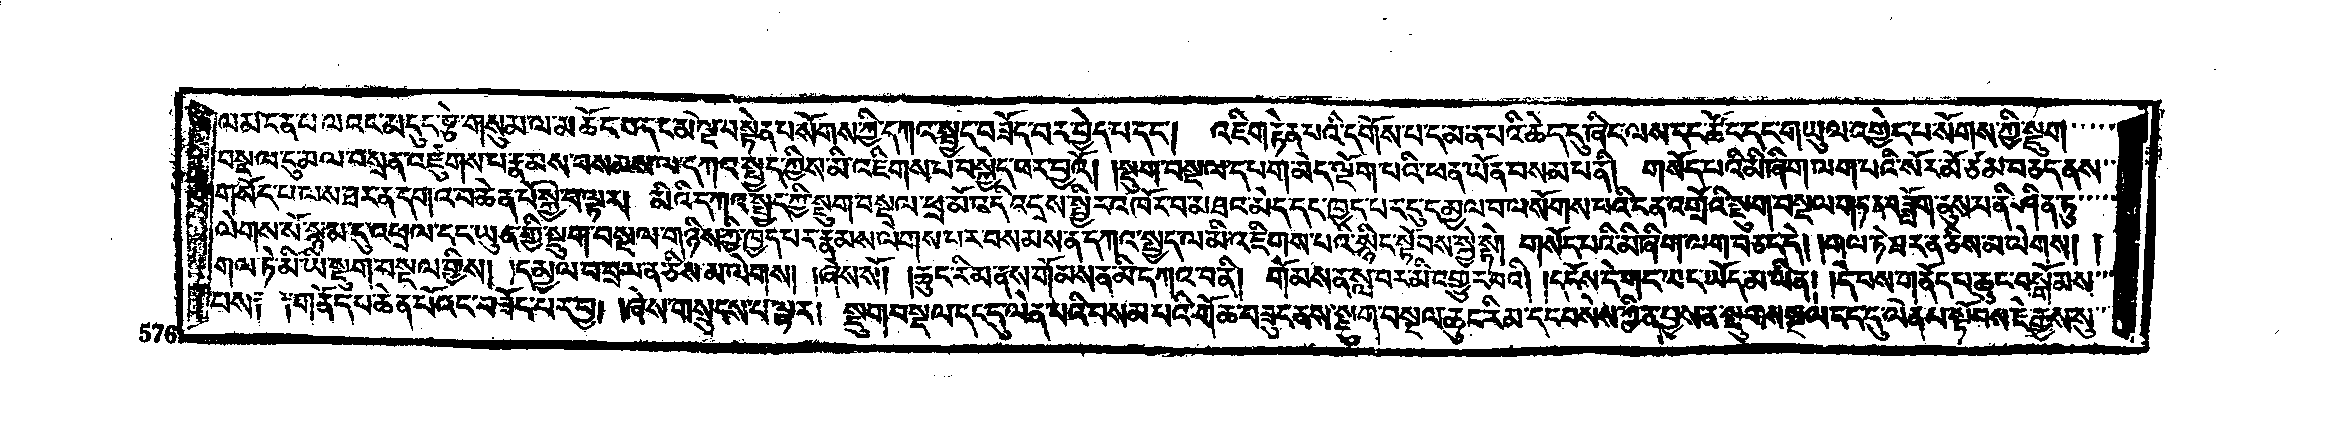ལམ་ངན་པ་ལའང་མདུང་རྩེ་གསུམ་ལ་མཆོང་བ་དང་མེ་ལྔ་བསྟེན་པ་སོགས་ཀྱི་དཀའ་སྤྱད་བཟོད་པར་བྱེད་པ་དང་། འཇིག་རྟེན་པའི་དགོས་པ་དམན་པའི་ཆེད་དུ་ཞིང་ལས་དང་ཚོང་དང་གཡུལ་འགྱེད་པ་སོགས་ཀྱི་སྡུག་
བསྔལ་དུ་མ་ལ་བསྲན་འཛུགས་པ་རྣམས་བསམས་ལ་དཀའ་སྤྱད་ཀྱིས་མི་འཇིགས་པ་བསྐྱེད་པར་བྱའོ། །སྡུག་བསྔལ་དཔག་མེད་ལྡོག་པའི་ཕན་ཡོན་བསམ་པ་ནི། གསོད་པའི་མི་ཞིག་ལག་པའི་སོར་མོ་ཙམ་བཅད་ནས་
གསོད་པ་ལས་ཐར་ན་དགའ་བ་ཆེན་པོ་སྐྱེ་བ་ལྟར། མིའི་དཀའ་སྤྱད་ཀྱི་སྡུག་བསྔལ་ཕྲ་མོ་འདི་འདྲས་སྤྱིར་འཁོར་བ་མཐའ་མེད་དང་ཁྱད་པར་དུ་དམྱལ་བ་ལ་སོགས་པའི་ངན་འགྲོའི་སྡུག་བསྔལ་གཏན་བཟློག་ནུས་པ་ནི་ཤིན་ཏུ་
ལེགས་སོ་སྙམ་དུ་འཕྲལ་དང་ཡུན་གྱི་སྡུག་བསྔལ་གཉིས་ཀྱི་ཁྱད་པར་རྣམས་ལེགས་པར་བསམས་ན་དཀའ་སྤྱད་ལ་མི་འཇིགས་པའི་སྙིང་སྟོབས་སྐྱེ་སྟེ། གསོད་པའི་མི་ཞིག་ལག་བཅད་དེ། །གལ་ཏེ་ཐར་ན་ཅིས་མ་ལེགས། །
གལ་ཏེ་མི་ཡི་སྡུག་བསྔལ་གྱིས། །དམྱལ་བ་བྲལ་ན་ཅིས་མ་ལེགས། །ཞེས་སོ། །ཆུང་རིམ་ནས་གོམས་ན་མི་དཀའ་བ་ནི། གོམས་ན་སླ་བར་མི་འགྱུར་བའི། །དངོས་དེ་གང་ཡང་ཡོད་མ་ཡིན། །དེ་བས་གནོད་པ་ཆུང་བསྒོམས་
པས༑ ༑གནོད་པ་ཆེན་པོའང་བཟོད་པར་བྱ། །ཞེས་གསུངས་པ་ལྟར། །སྡུག་བསྔལ་དང་དུ་ལེན་པའི་བསམ་པའི་གོ་ཆ་བཟུང་ནས་སྡུག་བསྔལ་ཆུང་རིམ་དང་བསྲེས་ཀྱིན་བྱས་ན་སྡུག་བསྔལ་དང་དུ་ལེན་པ་སྟོབས་ཇེ་རྒྱས་སུ་